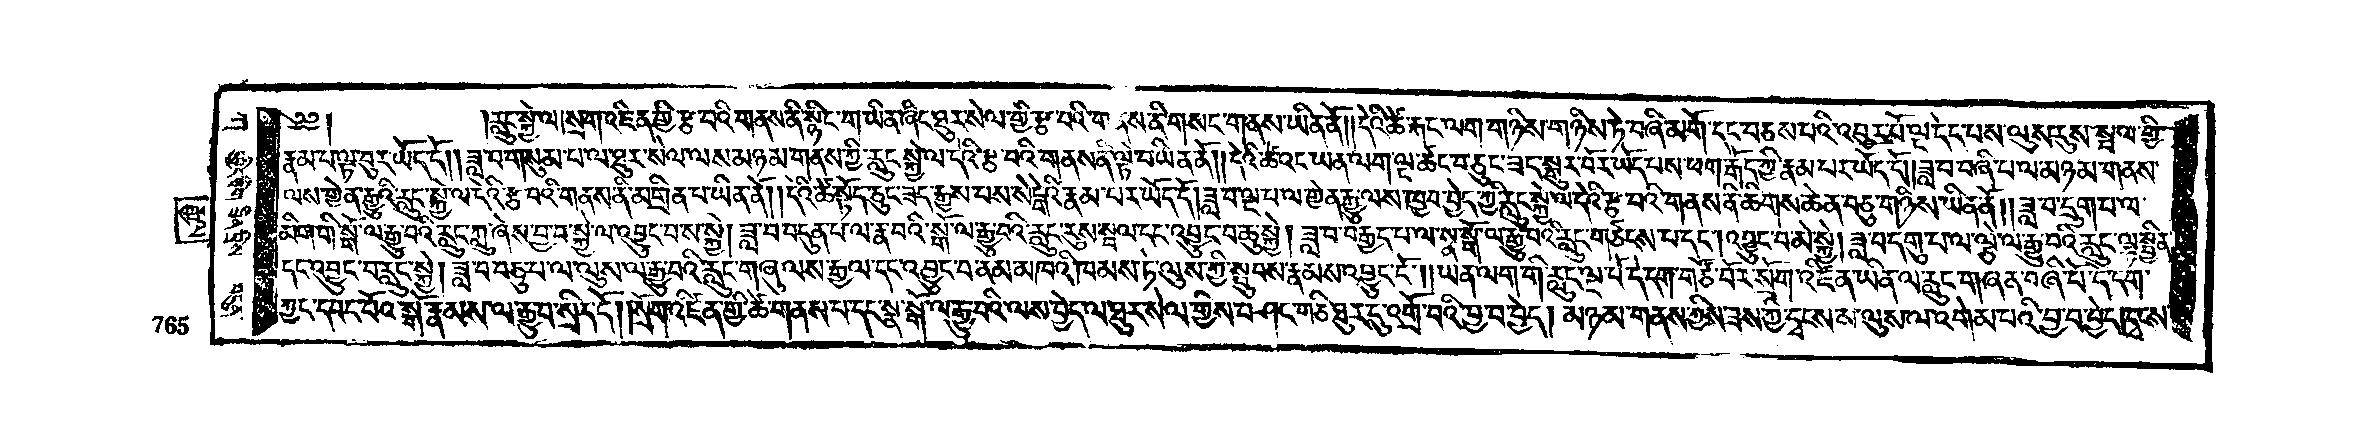༄༅། །རླུང་སྐྱེ་ལ། །སྲག་འཛིན་གྱི་རྩ་བའི་གནས་ནི་སྙིང་ག་ཡིན་ཞིང་ཐུར་སེལ་གྱི་རྩ་བའི་གནས་ནི་གསང་གནས་ཡིན་ནོ། །དེའི་ཚེ་རྐང་ལག་གཉིས་གཉིས་ཏེ་བཞི་མགོ་དང་བཅས་པའི་འབུར་པོ་ལྔ་དེད་པས་ལུས་རུས་སྦལ་གྱི་
རྣམ་པ་ལྟ་བུར་ཡོད་དོ། །ཟླ་བ་གསུམ་པ་ལ་ཐུར་སེལ་ལས་མཉམ་གནས་ཀྱི་རླུང་སྐྱེལ་དེའི་རྩ་བའི་གནས་ནི་ལྟེ་བ་ཡིན་ནོ། །དེའི་ཚེའང་ཡན་ལག་ལྔ་ཚང་བ་ཅུང་ཟད་སྒུར་བོར་ཡོད་པས་ཕག་རྒོད་ཀྱི་རྣམ་པར་ཡོད་དོ། །ཟླ་བ་བཞི་པ་ལ་མཉམ་གནས་
ལས་གྱེན་རྒྱུའི་རླུང་སྐྱེ་ལ་དེའི་རྩ་བའི་གནས་ནི་མགྲིན་པ་ཡིན་ནོ། །དེའི་ཚེ་སྟོད་ཅུང་ཟད་རྒྱས་པས་སེངགེའི་རྣམ་པར་ཡོད་དོ། ཟླ་བ་ལྔ་པ་ལ་གྱེན་རྒྱུ་ལས་ཁྱབ་བྱེད་ཀྱི་རླུང་སྐྱེ་ལ་དེའི་རྩ་བའི་གནས་ནི་ཚིགས་ཆེད་བཅུ་གཉིས་ཡིན་ནོ། །ཟླ་བ་དྲུག་པ་ལ་
མིག་གི་སྒོ་ལ་རྒྱུ་བའི་རླུང་ཀླུ་ཞེས་བྱ་བ་སྐྱེ་ལ་འབྱུང་བ་ལ་སྐྱེ། ཟླ་བ་བདུན་པ་ལ་རྣ་བའི་སྒོ་ལ་རྒྱུ་བའི་རླུང་རུས་སྦལ་དང་འབྱུང་བ་ཆུ་སྐྱེ། ཟླ་བ་བརྒྱད་པ་ལ་སྣ་སྒོ་ལ་རྒྱུ་བའི་རླུང་གཙངས་པ་དང་། འབྱུང་བ་མེ་སྐྱེ། ཟླ་བ་དགུ་པ་ལ་རྒྱུ་བའི་རླུང་ལྷ་སྦྱིན་
དང་འབྱུང་བ་རླུང་སྐྱེ། ཟླ་བ་བཅུ་པ་ལ་ལུས་ལ་རྒྱུ་བའི་རླུང་གཞུ་ལས་རྒྱལ་དང་འབྱུང་བ་ནམ་མཁའི་ཁམས་ཏེ་ལུས་ཀྱི་སྤུབས་རྣམས་འབྱུང་ངོ། །ཡན་ལག་གི་རླུང་ལྔ་པོ་དེ་དག་གཙོ་བོར་སྲོག་འཛིན་ཡིན་ལ་རླུང་གཞན་བཞི་པོ་དེ་དག་
ཀྱང་དབང་པོའི་སྒོ་རྣམས་ལ་རྒྱུ་བ་སྲིད་དོ། །སྲོག་འཛིན་གྱི་ཚེ་གནས་པ་དང་སྣ་སྒོ་ལ་རྒྱུ་བའི་ལས་བྱེད་ལ་ཐུར་སེལ་གྱིས་བཤད་གཅི་ཐུར་དུ་འགྲོ་བའི་བྱ་བ་བྱེད། མཉམ་གནས་ཀྱིས་ཟས་ཀྱི་དྭངས་མ་ལུས་ལ་འགེམ་པའི་བྱ་བ་བྱེད། དྭངས་